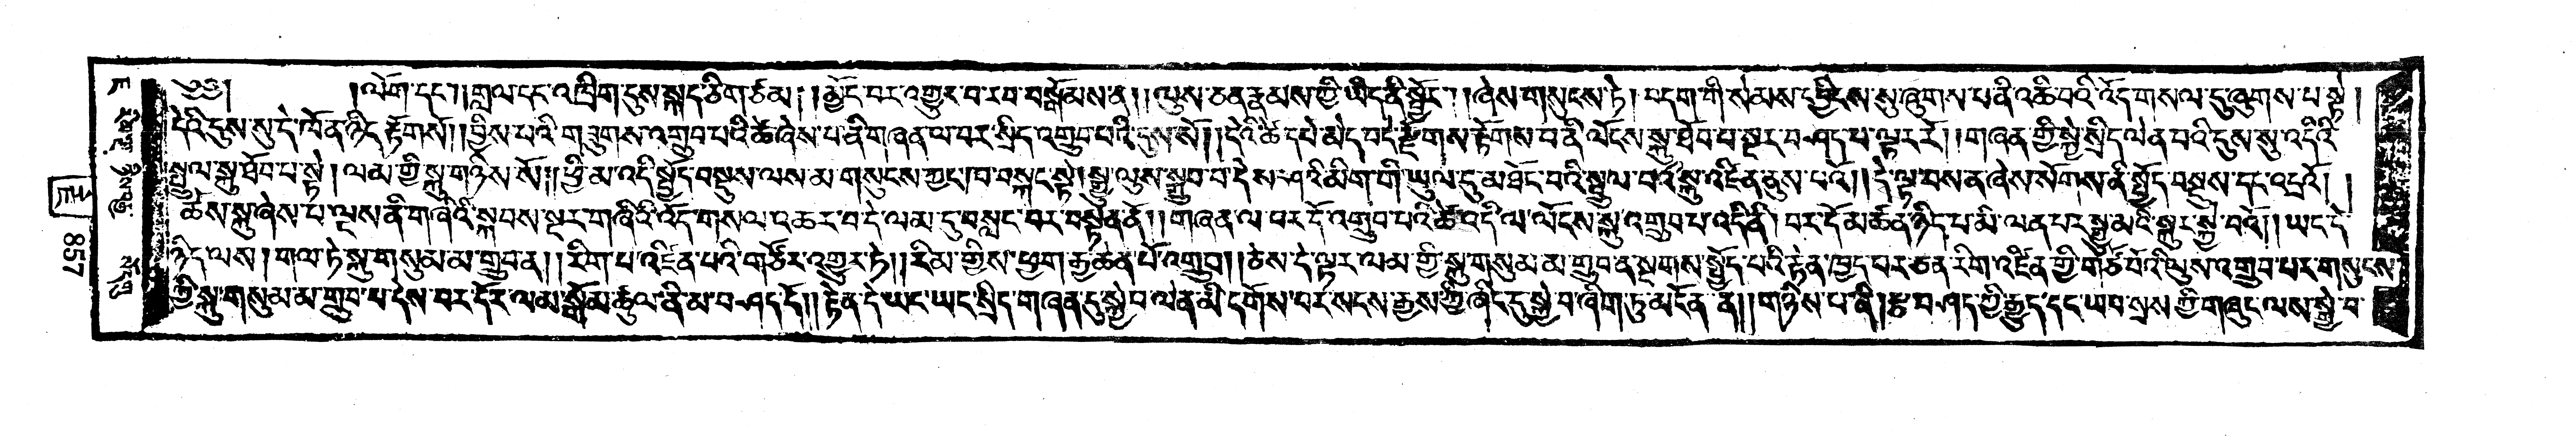༄༅། །ལོག་དང་། གླ་ལ་དང་འཁྲིག་དུས་སྐད་ཅིག་ཙམ། །མྱོང་བར་འགྱུར་བ་རབ་བསྒོམས་ན། །ལུས་ཅན་རྣམས་ཀྱི་ཡིད་ནི་སྦྱོང་། །ཞེས་གསུངས་ཏེ། བདག་གི་སེམས་དབྱིངས་སུ་ཞུགས་པ་ནི་འཆི་བའི་འོད་གསལ་དུ་ཞུགས་པ་སྟེ།
དེའི་དུས་སུ་དེ་ཁོ་ན་ཉིད་རྟོགས་སོ། །བྱིས་པའི་གཟུགས་འགྲུབ་པའི་ཚེ་ཞེས་པ་ནི་གཞན་ལ་བར་སྲིད་འགྲུབ་པའི་དུས་སོ། །དེའི་ཚེ་དཔེ་མེད་བདེ་རྫོགས་རྟོགས་པ་ནི་ལོངས་སྐུ་ཐོབ་པ་སྔར་བཤད་པ་ལྟར་རོ། །གཞན་གྱི་སྐྱེ་སྲིད་ལེན་པའི་དུས་སུ་འདིའི་
སྤྲུལ་སྐུ་ཐོབ་པ་སྟེ། ལམ་གྱི་སྐུ་གཉིས་སོ། །ཕྱི་མ་འདི་སྤྱོད་བསྡུས་ལས་མ་གསུངས་ཀྱང་ཁ་བསྐང་སྟེ། སྒྱུ་ལུས་སྒྲུབ་པ་དེས་ཤའི་མིག་གི་ཡུལ་དུ་མཐོང་བའི་སྤྲུལ་པའི་སྐུ་འཛིན་ནུས་པའོ། །དེ་ལྟ་བས་ན་ཞེས་སོགས་ནི་སྤྱོད་བསྡུས་དང་འདྲའོ། །
ཆོས་སྐུ་ཞེས་པ་ལྔས་ནི་གཞིའི་སྐབས་སྔར་བཞིའི་འོད་གསལ་འཆར་བ་དེ་ལམ་དུ་བསླང་བར་བསྟན་ནོ། །གཞན་ལ་བར་དོ་འགྲུབ་པའི་ཚེ་འདི་ལ་ལོངས་སྐུ་འགྲུབ་པ་འདི་ནི། བར་དོ་མཚན་ཉིད་པ་མི་ལེན་པར་སྒྱུ་མའི་སྐུར་སྐྱེ་བའོ། །ཡང་དེ་
ཉིད་ལས། གལ་ཏེ་སྐུ་གསུམ་མ་གྲུབ་ན། །རིག་པ་འཛིན་པའི་གཙོར་འགྱུར་ཏེ། །རིམ་གྱིས་ཕྱག་རྒྱ་ཆེན་པོ་འགྲུབ། །ཅེས་དེ་ལྟར་ལམ་གྱི་སྐུ་གསུམ་མ་གྲུབ་ན་སྔགས་སྤྱོད་པའི་རྟེན་ཁྱད་པར་ཅན་རིག་འཛིན་གྱི་གཙོ་བོའི་ལུས་འགྲུབ་པར་གསུངས་
ཀྱི་སྐུ་གསུམ་མ་གྲུབ་པ་དེས་བར་དོར་ལམ་སྒོམ་ཚུལ་ནི་མ་བཤད་དོ། །རྟེན་དེ་ཡང་ཡང་སྲིད་གཞན་དུ་སྐྱེ་བ་ལེན་མི་དགོས་པར་སངས་རྒྱས་ཀྱི་ཞིང་དུ་སྐྱེ་བ་ཞིག་ཏུ་མངོན་ནོ། །གཉིས་པ་ནི། རྩ་བཤད་ཀྱི་རྒྱུད་དང་ཡབ་སྲས་ཀྱི་གཞུང་ལས་སྐྱེ་བ་